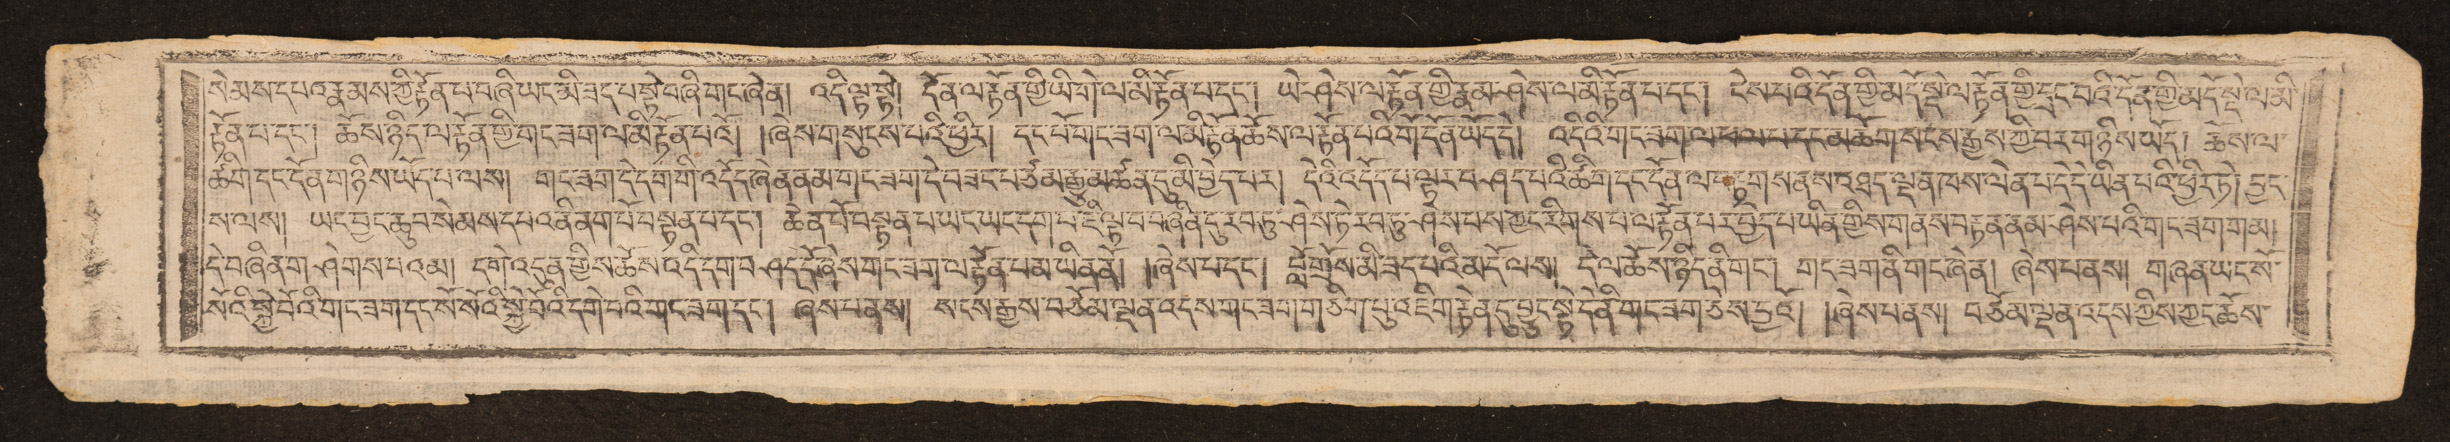སེམས་དཔའ་རྣམས་ཀྱི་རྟོན་པ་བཞི་ཡང་མི་ཟད་པ་སྟེ་བཞི་གང་ཞེ་ན། འདི་ལྟ་སྟེ། དོན་ལ་རྟོན་གྱི་ཡི་གེ་ལ་མི་རྟོན་པ་དང་། ཡེ་ཤེས་ལ་རྟོན་གྱི་རྣམ་ཤེས་ལ་མི་རྟོན་པ་དང་། ངེས་པའི་དོན་གྱི་མདོ་སྡེ་ལ་རྟོན་གྱི་དྲང་བའི་དོན་གྱི་མདོ་སྡེ་ལ་མི་
རྟོན་པ་དང་། ཆོས་ཉིད་ལ་རྟོན་གྱི་གང་ཟག་ལ་མི་རྟོན་པའོ། །ཞེས་གསུངས་པའི་ཕྱིར། དང་པོ་གང་ཟག་ལ་མི་རྟོན་ཆོས་ལ་རྟོན་པའི་གོ་དོན་ཡོད་དེ། འདིའི་གང་ཟག་ལ་ཕལ་པ་དང་མཆོག་སངས་རྒྱས་ཀྱི་བར་གཉིས་ཡོད། ཆོས་ལ་
ཚིག་དང་དོན་གཉིས་ཡོད་པ་ལས། གང་ཟག་དེ་དག་གི་འདོད་ཞེན་ནམ་གང་ཟག་དེ་བཟང་པ་ཙམ་རྒྱུ་མཚན་དུ་མི་བྱེད་པར། དེའི་འདོད་པ་ལྟར་བཤད་པའི་ཚིག་དང་དོན་ལ་བརྟགས་ནས་འཐད་ལྡན་ཁས་ལེན་པ་དེ་དེ་ཡིན་པའི་ཕྱིར་ཏེ། བྱང་
ས་ལས། ཡང་བྱང་ཆུབ་སེམས་དཔའ་ནི་ནག་པོ་བསྟན་པ་དང་། ཆེན་པོ་བསྟན་པ་ཡང་ཡང་དག་པ་ཇི་ལྟ་བ་བཞིན་དུ་རབ་ཏུ་ཤེས་ཏེ་རབ་ཏུ་ཤེས་པས་ཀྱང་རིགས་པ་ལ་རྟོན་པར་བྱེད་པ་ཡིན་གྱིས་གནས་བརྟན་ནམ་ཤེས་པའི་གང་ཟག་གམ་
དེ་བཞིན་གཤེགས་པའམ། དགེ་འདུན་གྱིས་ཆོས་འདི་དག་བཤད་དོ་ཞེས་གང་ཟག་ལ་རྟོན་པ་མ་ཡིན་ནོ། །ཞེས་པ་དང་། བློ་གྲོས་མི་ཟད་པའི་མདོ་ལས། དེ་ལ་ཆོས་ཉིད་ནི་གང་། གང་ཟག་ནི་གང་ཞེ་ན། ཞེས་པ་ནས། གཞན་ཡང་སོ་
སོའི་སྐྱེ་བོའི་གང་ཟག་དང་སོ་སོའི་སྐྱེ་བོའི་དགེ་བའི་གང་ཟག་དང་། ཞེས་པ་ནས། སངས་རྒྱས་བཅོམ་ལྡན་འདས་གང་ཟག་གཅིག་པུ་འཇིག་རྟེན་དུ་བྱུང་སྟེ་དེ་ནི་གང་ཟག་ཅེས་བྱའོ། །ཞེས་པ་ནས། བཅོམ་ལྡན་འདས་ཀྱིས་ཀྱང་ཆོས་